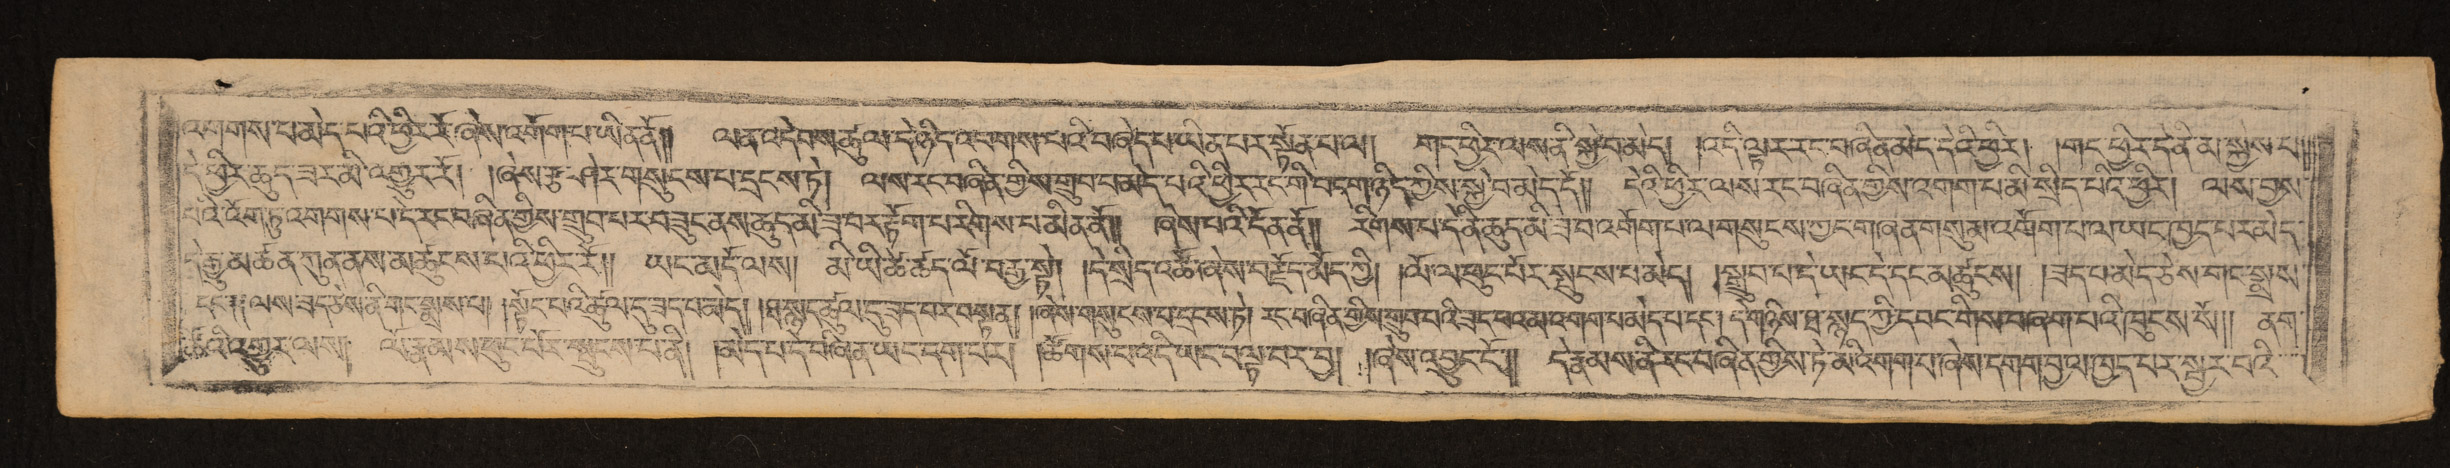འགགས་པ་མེད་པའི་ཕྱིར་རོ་ཞེས་འགོག་པ་ཡིན་ནོ།། ལན་འདེབས་ཚུལ་དེ་ཉིད་འཕགས་པའི་བཞེད་པ་ཡིན་པར་སྟོན་པ་ལ། གང་ཕྱིར་ལས་ནི་སྐྱེ་བ་མེད། །འདི་ལྟར་རང་བཞིན་མེད་དེའི་ཕྱིར། གང་ཕྱིར་དེ་ནི་མ་སྐྱེས་པ།།
དེ་ཕྱིར་ཆུད་ཟར་མི་འགྱུར་རོ། །ཞེས་རྩ་ཤེར་གསུངས་པ་དྲངས་ཏེ། ལས་རང་བཞིན་གྱིས་གྲུབ་པ་མེད་པའི་ཕྱིར་རང་གི་བདག་ཉིད་ཀྱིས་སྐྱེ་བ་མེད་དོ།། དེའི་ཕྱིར་ལས་རང་བཞིན་གྱིས་འགག་པ་མི་སྲིད་པའི་ཕྱིར། ལས་བྱས་
པའི་འོག་ཏུ་འགགས་པ་དེ་རང་བཞིན་གྱིས་གྲུབ་པར་བཟུང་ནས་ཆུད་མི་ཟ་བར་རྟོག་པ་རིགས་པ་མིན་ནོ།། ཞེས་པའི་དོན་ནོ།། རིགས་པ་དེ་ནི་ཆུད་མི་ཟ་བ་འགོག་པ་ལ་གསུངས་ཀྱང་གཞན་གསུམ་འགོག་པ་ལ་ཡང་ཁྱད་པར་མེད་
དེ་རྒྱུ་མཚན་ཀུན་ནས་མཚུངས་པའི་ཕྱིར་རོ།། ཡང་མདོ་ལས། མི་ཡི་ཚེ་ཚད་ལོ་བརྒྱ་སྟེ། །དེ་སྲིད་འཚོ་ཞེས་བརྗོད་མོད་ཀྱི། །ལོ་ལ་ཕུང་པོར་སྤུངས་པ་མེད། །སྒྲུབ་པ་དེ་ཡང་དེ་དང་མཚུངས། །ཟད་པ་མེད་ཅེས་གང་སྨྲས་
དང༑༑ ལས་ཟད་ཅེས་ནི་གང་སྨྲས་པ། །སྟོང་པའི་ཚུལ་དུ་ཟད་པ་མེད། །ཐ་སྙད་ཚུལ་དུ་ཟད་པར་བསྟན། །ཞེས་གསུངས་པ་དྲངས་ཏེ། རང་བཞིན་གྱིས་གྲུབ་པའི་ཟད་པའམ་འགག་པ་མེད་པ་དང་། དེ་གཉིས་ཐ་སྙད་ཀྱི་དབང་གིས་བཞག་པའི་ཁུངས་སོ།། ནག་
ཚོའི་འགྱུར་ལས། ལོ་རྣམས་ཕུང་པོར་སྤུངས་པ་ནི། །མེད་པ་དེ་བཞིན་ཡང་དག་པར། །ཚོགས་པ་འདི་ཡང་བལྟ་བར་བྱ། །ཞེས་འབྱུང་ངོ།། དེ་རྣམས་ནི་རང་བཞིན་གྱིས་ཏེ་མི་འགག་པ་ཞེས་དགག་བྱ་ལ་ཁྱད་པར་སྦྱར་བའི་